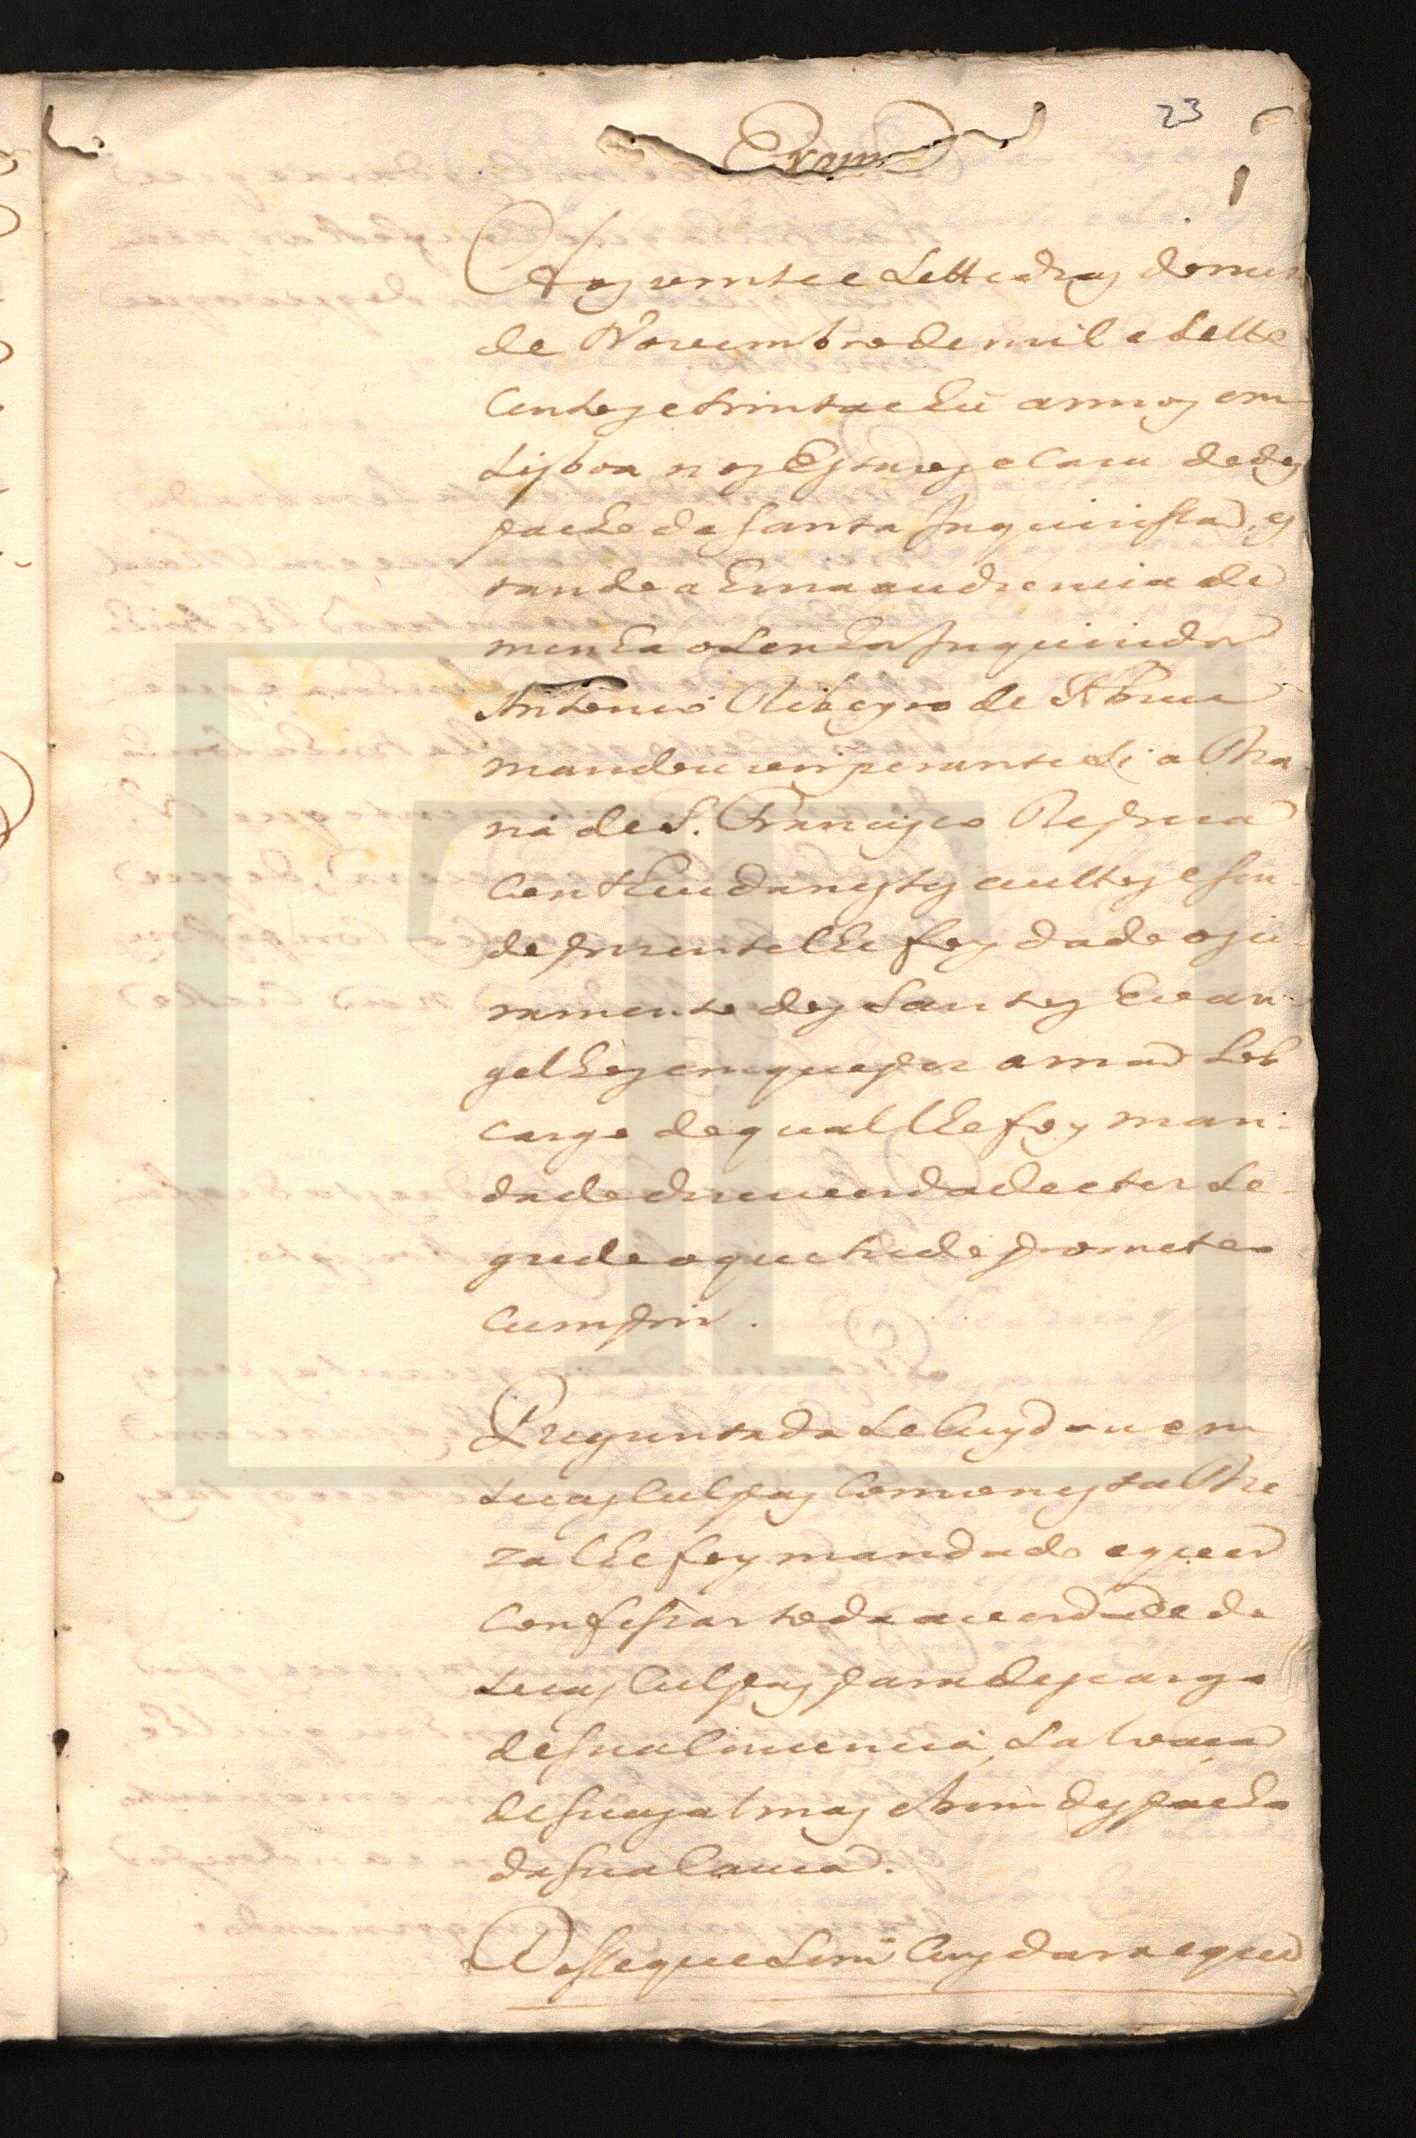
23
Exam
Aos vinte e sette dias do mes
de Novembro de mil e sette
centos e trinta e hū annos em
Lisboa nos Estaos e caza de des
pacho da santa Jnquizissaõ, es
tando ahi na audiencia de
menha o senhor Jnquizidor
Antonio Ribeyro de Abreu
mandou uir perante si a Ma
ria de S. Francisco Re preza
contheuda nestes auttos e sen
do prezente lhe foy dado o ju
ramento dos Santos Euan
gelhos em que poz a maõ sob
cargo do qual lhe foy man
dado dizer verdade e ter se
gredo o que tudo prometeo
cumprir.
Preguntada se Cuydou em
suas culpas como nesta Me
za lhe foy mandado e quer
confessar toda a verdade de
suas culpas para descargo
de sua conciencia, salvaçã
de suas almas e bom despacho
da sua Cauza.
Disse que sim cuydara e que
